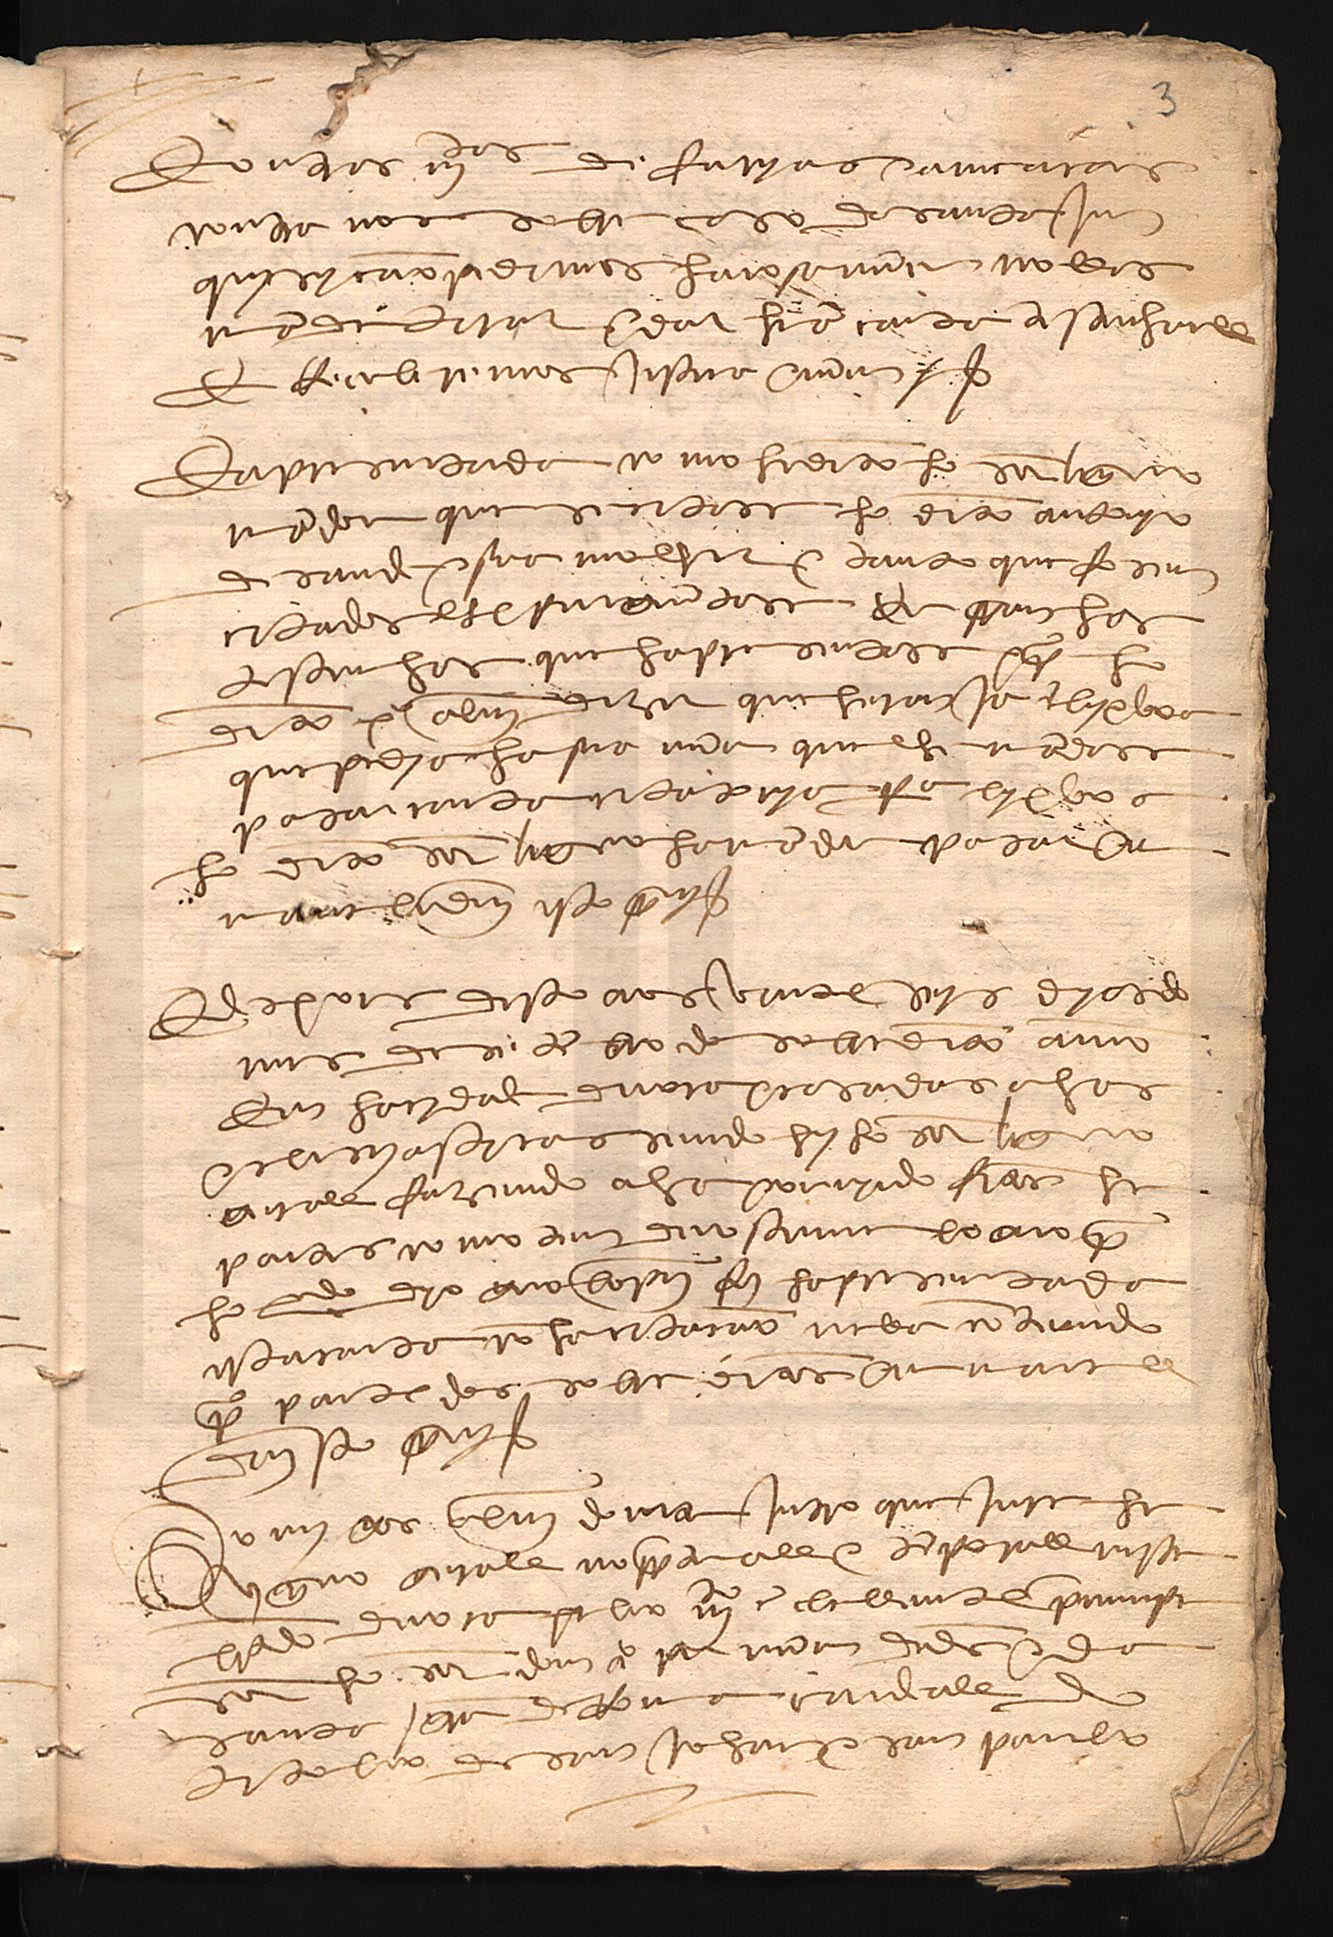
E outras mtas de furyas e ameacas
contra nos sobre caso da santa Jm
qujsyção pedimos ha uosa mēçe nollas
māde tirar e dar huā carta testenhauell
E Reçeberemos Justica e m̄çe /
E apresentada como he dito ho s̄or vigro
mādou que se citase ho dito antonjo
de sande e sua molher e tanto que fosem
citados lhe pergūtase Eu sp̄am has
testemhas que hapresentase e p̄o ho
dito po āluz dizer que heram Ja ē lyxboa
que pedja ha sua mēçe que lhe mādase
pasar carta citatorya ꝑa lyxboa
ho dito s̄or vigro ha mādou pasar eu
manoel d̄iz esto sp̄uy
E despois desto aos vinte sejs dyas do
mes de setēbro do sobredito anno
Em ha cjdade deuora e casa das audjas
eclesyasticas sendo hy ho s̄or vigro
gerall fazemdo audja e ouuyndo fītos he
partes como tem de costume loguo p̄o
ho Ldo dyoguo lopez foj hapresentada
esta carta c̄o ha citação nella c̄oteudo
p̄o parte dos sobreditos eu manoell
d̄iz esto sp̄uy
Domjgos āluz doutor Jutroque Jure he
vjgro gerall no sp̄tuall e tēporall neste
b̄pdo deuora pello mto ēclellente p̄mcepe
s̄or ho s̄or dom ao por mēçe de d̄s e da
santa Jḡra de Roma cardeall do
titolo de sam Joham e sam paulo
